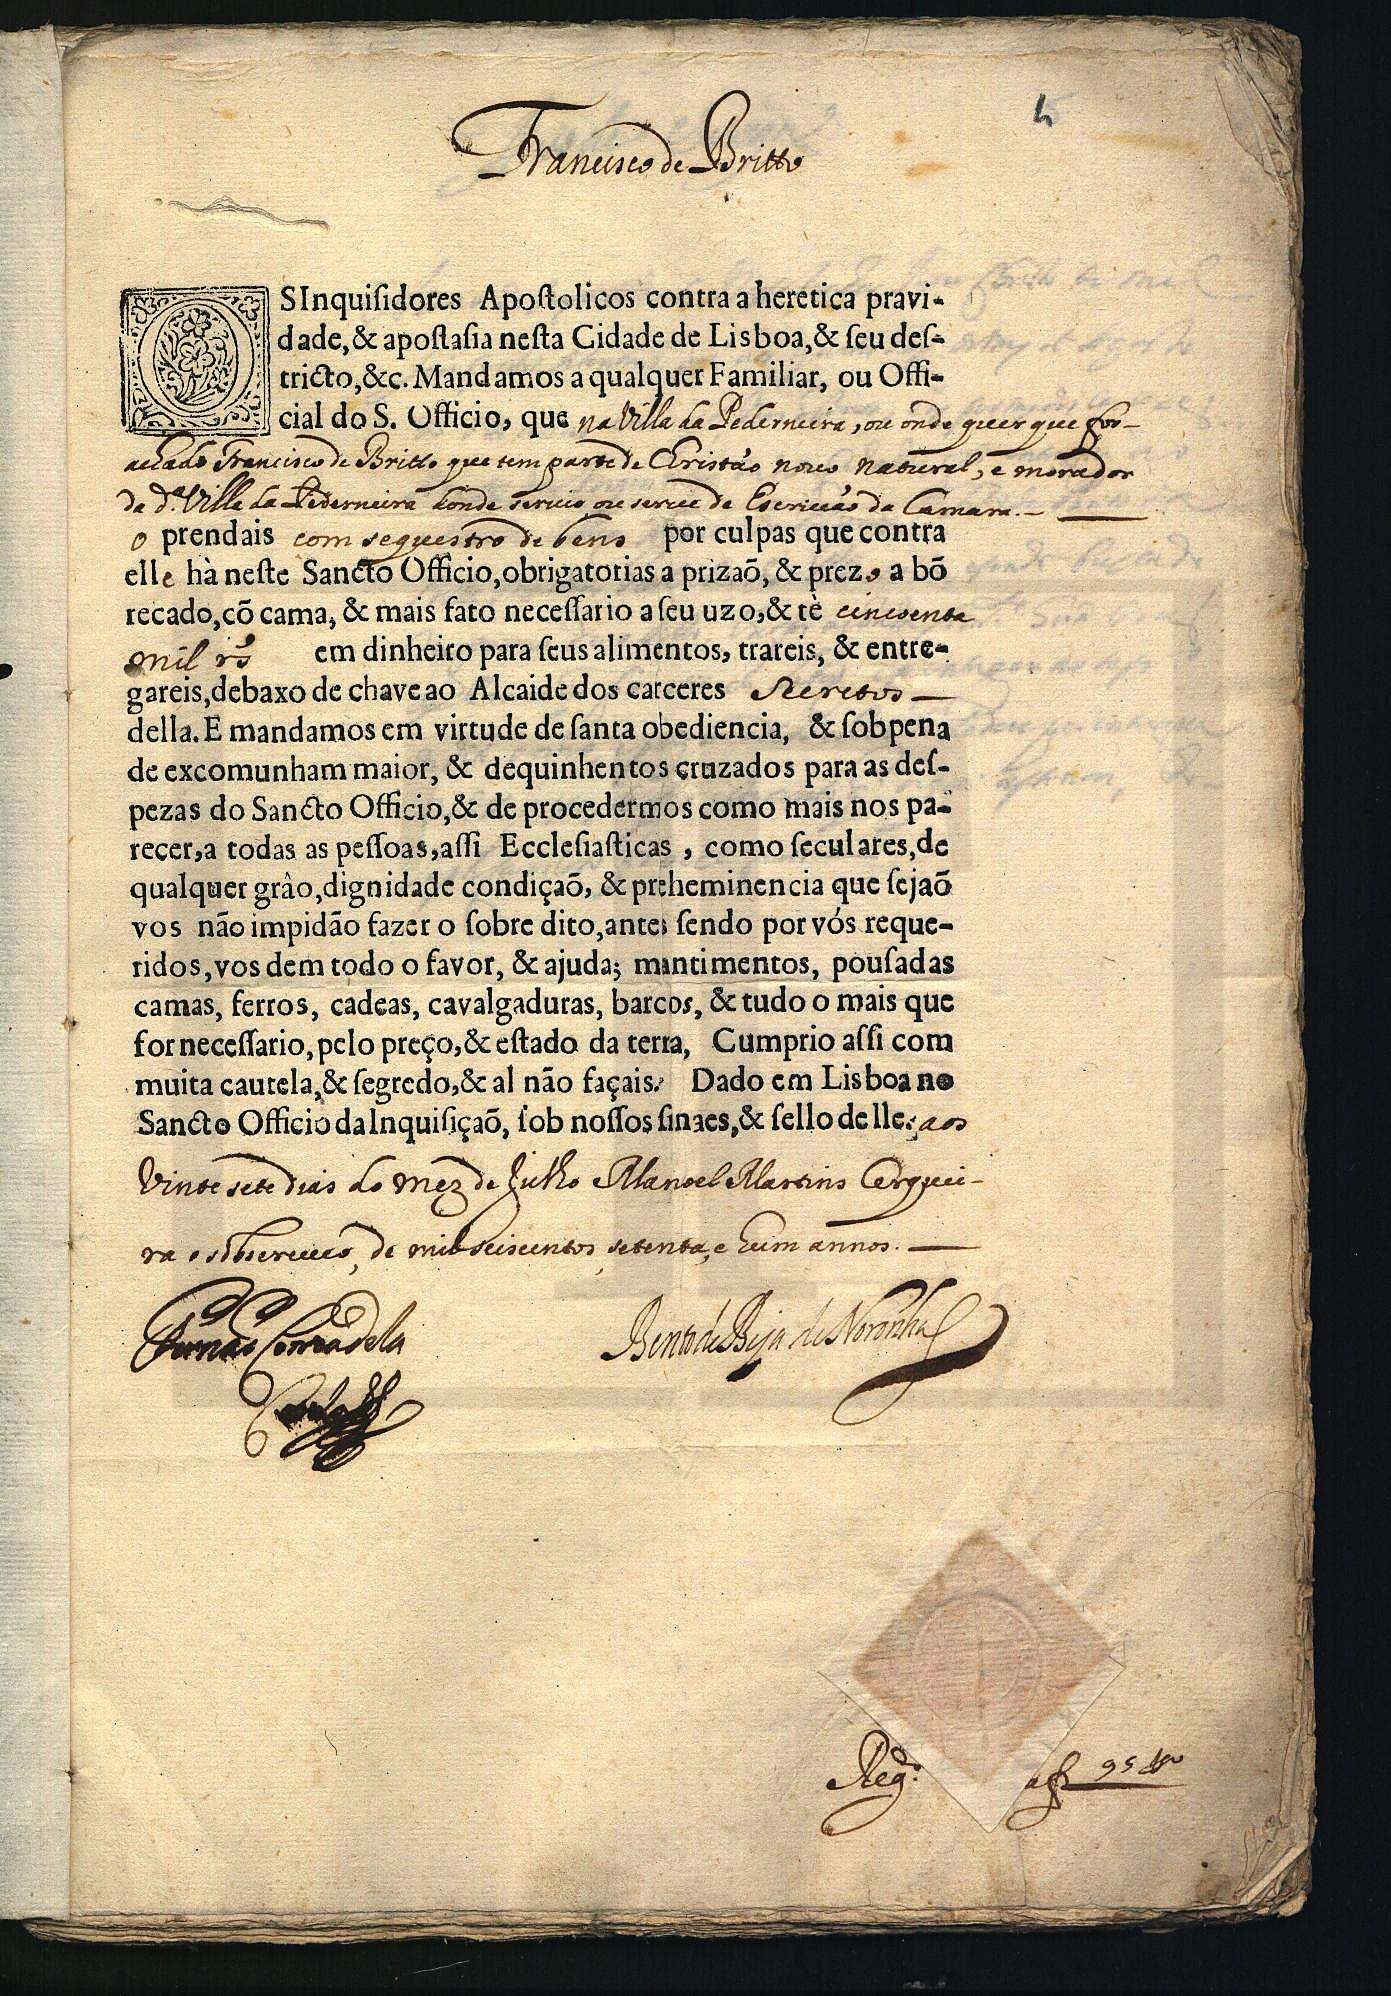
Francisco de Britto
OS Inquisidores Apostolicos contra a heretica pravi
dade, & apostasia nesta Cidade de Lisboa, & seu des
tricto, &c. Mandamos a qualquer Familiar, ou Offi
cial do S. Officio, que na Villa da Pederneira, ou onde quer que for
achado Francisco de Britto que tem parte de Christão nouo natural, e morador
da d.a Villa da Pederneira donde seruio ou serue de Escriuaõ da Camara.
o prendais com sequestro de bens por culpas que contra
elle hà neste Sancto Officio, obrigatorias a prizaõ, & prezo a bō
recado, cō cama, & mais fato necessario a seu uzo, & te cincoenta
mil rs̄ em dinheiro para seus alimentos, trareis, & entre
gareis, debaxo de chave ao Alcaide dos carceres e secretos
della. E mandamos em virtude de santa obediencia, & sob pena
de excomunham maior, & de quinhentos cruzados para as des
pezas do Sancto Officio, & de procedermos como mais nos pa
recer, a todas as pessoas, assi Ecclesiasticas, como seculares, de
qualquer grâo, dignidade condiçaõ, & preheminencia que sejaõ
vos não impidão fazer o sobredito, antes sendo por vós reque
ridos, vos dem todo o favor, & ajuda; mantimentos, pousadas
camas, ferros, cadeas, cavalgaduras, barcos, & tudo o mais que
for necessario, pelo preço, & estado da terra, Cumprio assi com
muita cautela, & segredo, & al não façais. Dado em Lisboa no
Sancto Officio da Inquisiçaõ, sob nossos sinaes, & sello delle; aos
vinte sete dias do mez de Julho Manoel Martins Cerquei
ra o sobscreueo, de mil seiscentos, setenta, e hum annos.
Fernaõ Corradela
Bento de Beja de Noronha
a fL 95 Vo
Reg.do
